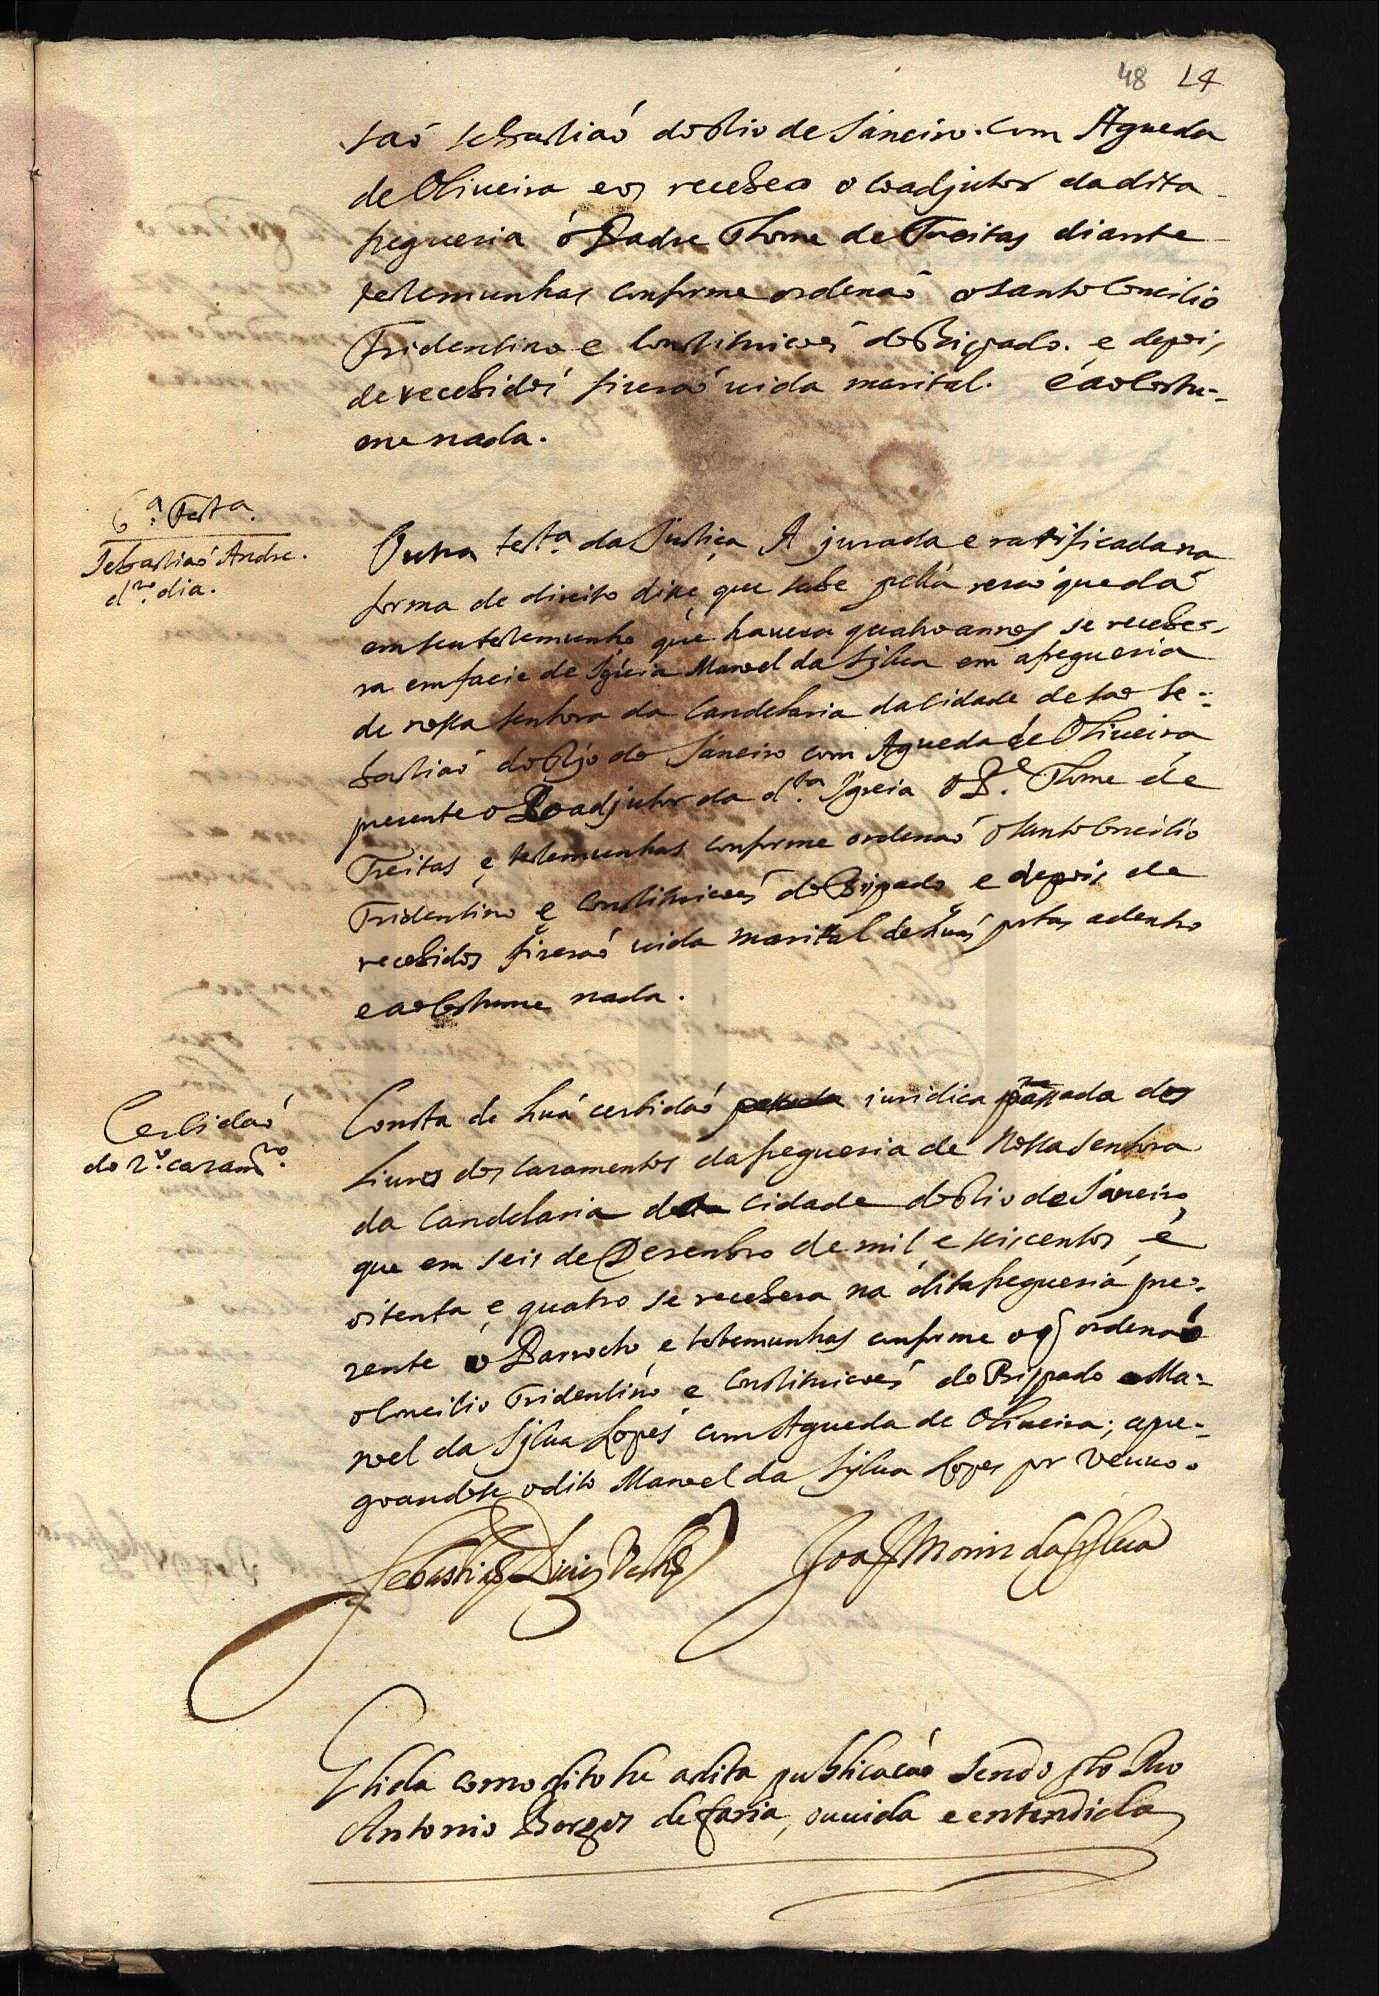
6.a Testa.
Sebastiaõ Andre.
dt.o dia.
Certidaõ
do 2.o cazamto.
saõ sebastiaõ do Rio de Ianeiro, com Agueda
de Oliueira, e os recebeo o coadjutor da dita
freguezia o Padre Thome de Freitas diante
testemunhas conforme ordenaõ o santo concilio
Tridentino, e constituiçoes do Bispado., e depois
de recebidos fizeraõ vida marital. e ao costu
me nada.
Outra test.a da Iustiça A jurada e ratificada na
forma de direito disse, que sabe pella rezaõ que dá
em seu testemunho, que hauera quatro annos, se receber
ra em facie de Igreia Manoel da Sjlua em a freguezia
de nossa Senhora da Candelaria da cidade de saõ Se
bastiaõ do Rjo do Ianeiro com Agueda de Oliueira
prezente o Coadjutor da d.ta Igreia o P.e Thome de
Freitas, e testemunhas conforme ordenaõ o santo concilio
Tridentino e constituiçoes do Bispado e depois de
recebidos fizeraõ uida marital de huas̄ portas adentro
e ao Costume nada.
Consta de huā certidaõ passada iuridica passada dos
Liuros dos cazamentos da freguezia de nossa Senhora
da Candelaria desta cidade do Rio de Ianeiro,
que em seis de Dezembro de mil, e seiscentos, e
oitenta, e quatro se recebera na dita freguesia pre
zente o Parrocho, e testemunhas conforme o q̄ ordenaõ
o Concilio Tridentino, e Constituiçoes do Bispado a Ma
noel da Sjlua Lopes com Agueda de Oliueira; apre
goandose o dito Manoel da Sylua Lopes por veuuo
Sebastiaõ Diniz Velho Joaõ Moniz da Sylua
E lida como dito he a dita publicaçaõ sendo plo Reo
Antonio Borges de faria, ouuida e entendida
